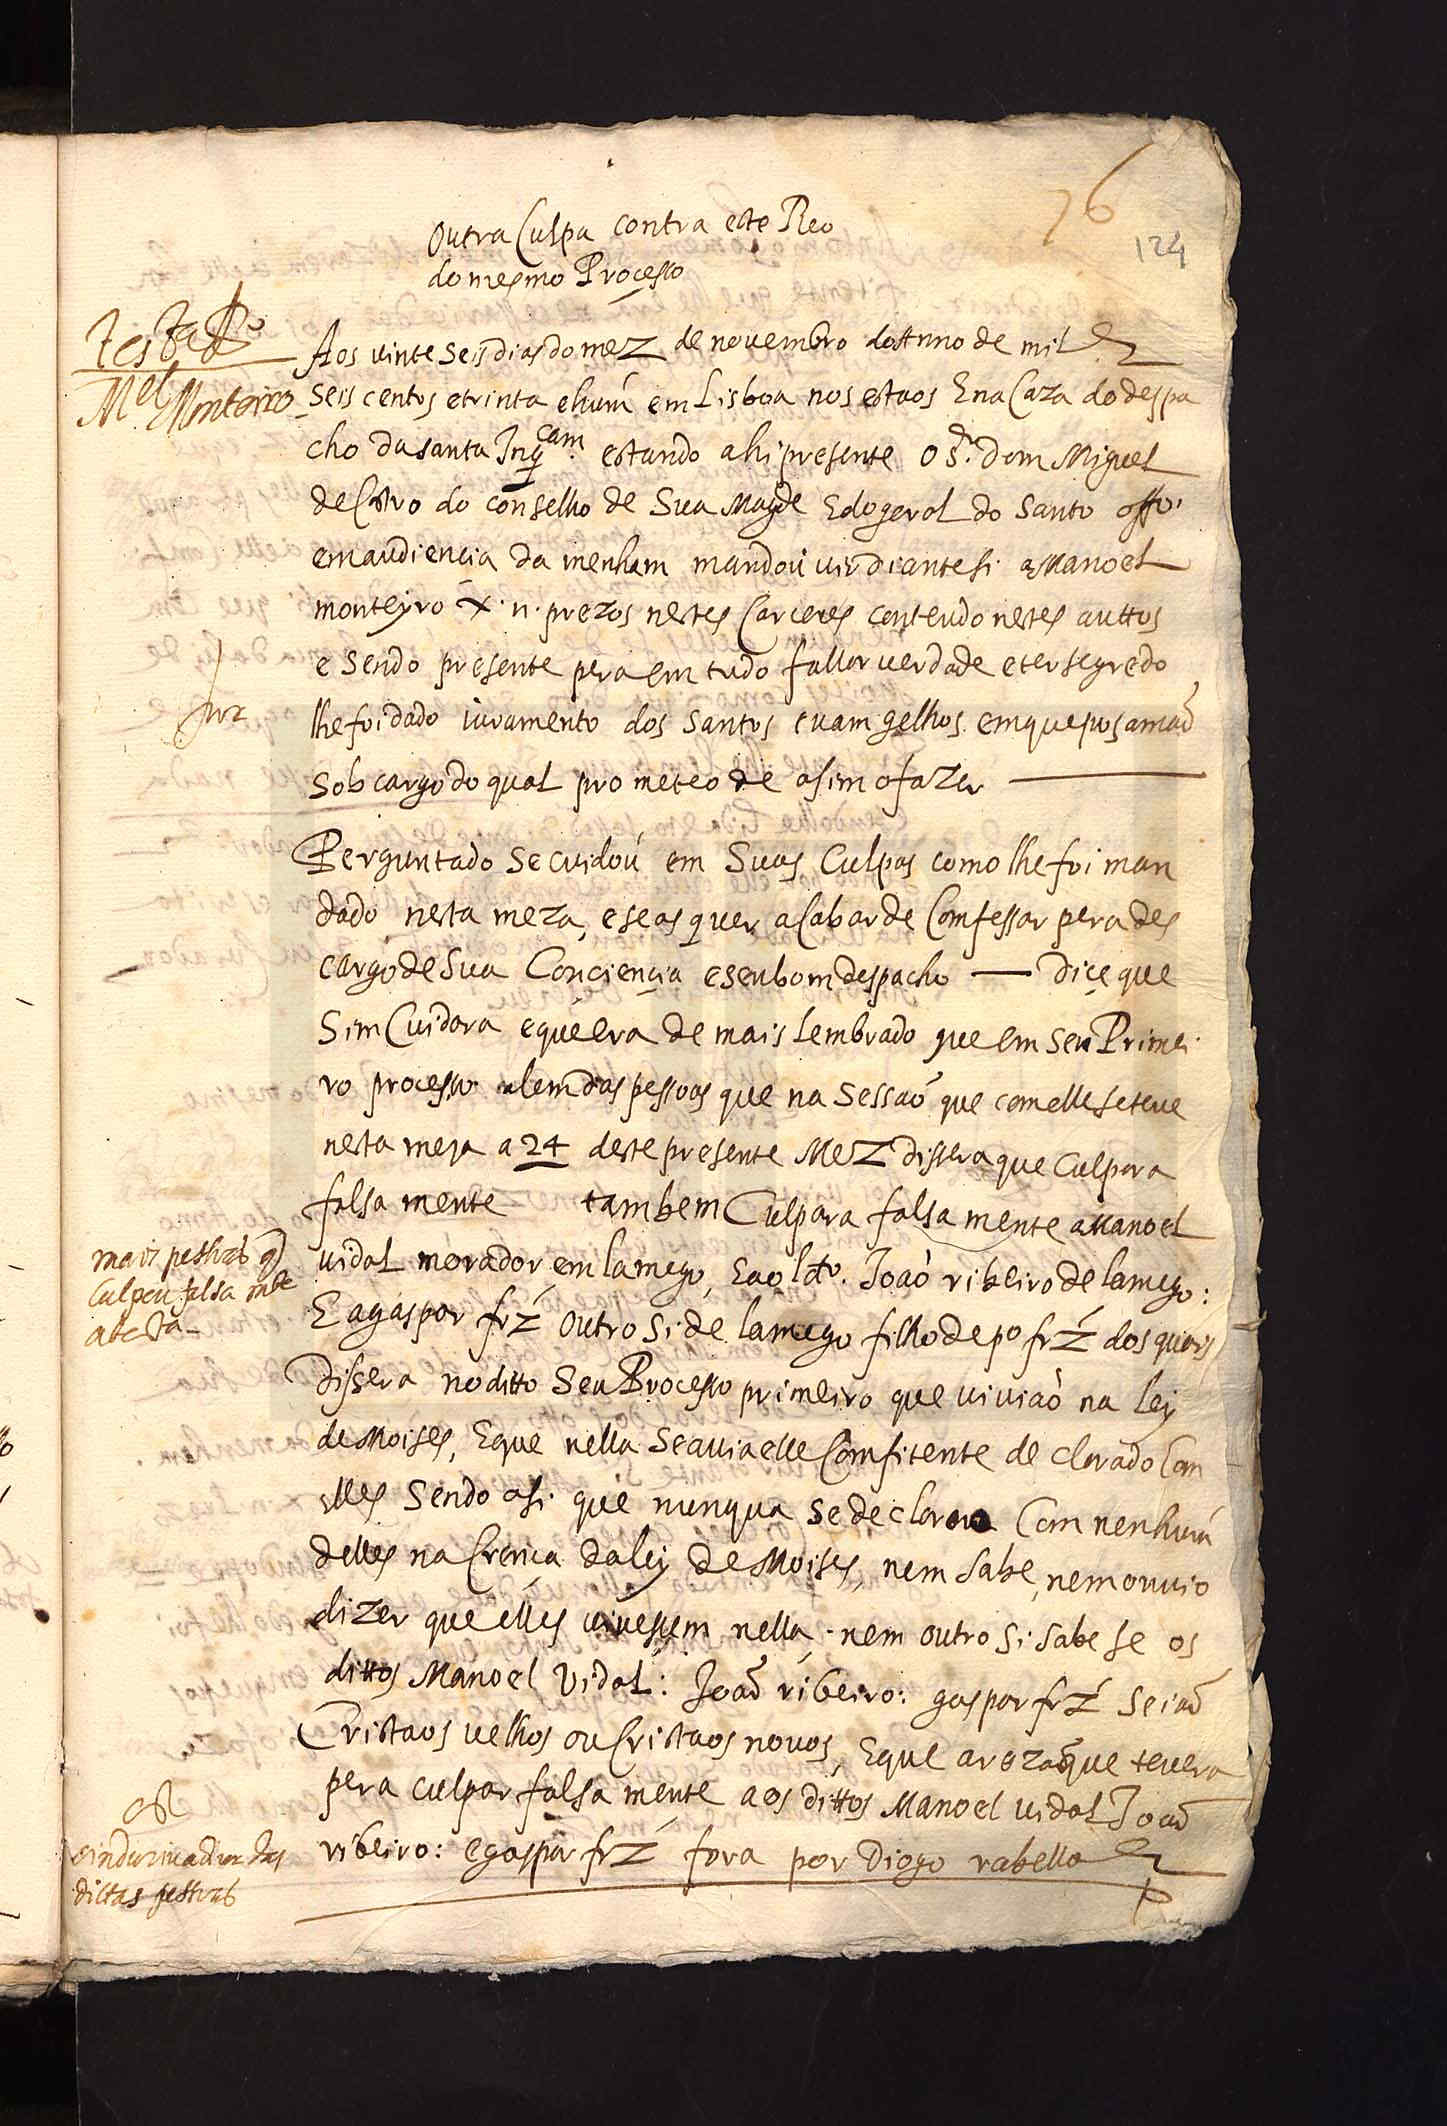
testa d̄o
Mel Monteiro
Jur
mais pessoas q̄
Culpou falsamte
a testa
o R.
o induziu a dizer das
dittas pessoas
Outra Culpa contra este Reo
do mesmo Processo
Aos uinte seis dias do mez de nouembro do Anno de miL E
seiscentos e trinta e hum̄ em Lisboa nos estaos E na Caza do despa
cho da santa Inqçam. estando ahi presente o s.or dom MigueL
de Cstro do conselho de Sua Magde E do geraL do Santo offo.
em audiencia da menham mandou uir diante si a ManoeL
monteyro x. n. prezos nestes Carceres conteudo nestes auttos
e Sendo presente pera em tudo fallar uerdade e ter segredo
lhe foi dado iuramento dos santos euamgelhos em que pos a maõ
Sob cargo do quaL prometeo de asim o fazer
Perguntado se cuidou em Suas Culpas como lhe foi man
dado nesta meza, e se as quer aCabar de Comfessar pera des
cargo de Sua Conciencia e seu bom despacho – Dice que
Sim Cuidara e que era demais lembrado que em seu Primei
ro processo alem das pessoas que na Sessaõ que com elle se teue
nesta meza a 24 deste presente Mez dissera que Culpara
falsamente tambem Culpara falsamente a ManoeL
uidaL morador em lamego, E ao ldo. Ioaõ ribeiro de lamego
E a gaspar frz̄ outrosi de lamego filho de po frz̄ dos quais
dissera no ditto Seu Processo primeiro que uiuiaõ na ley
de Moises, E que nella se auia elle Comfitente declarado Com
elles Sendo asi que nunqua se declarar_ Com nenhum̄
delles na Crença da ley de Moises, nem sabe, nem ouuio
dizer que elles uiuessem nella, nem outrosi sabe se os
dittos Manoel VidaL: Joaõ ribeiro: gaspar frz̄ seiaõ
Cristaos uelhos ou Cristaos nouos, E que a rezaõ que teuera
pera culpar falsamente aos dittos Manoel uidaL Joaõ
ribeiro: e gaspar frz̄ fora por Diogo rabello E
